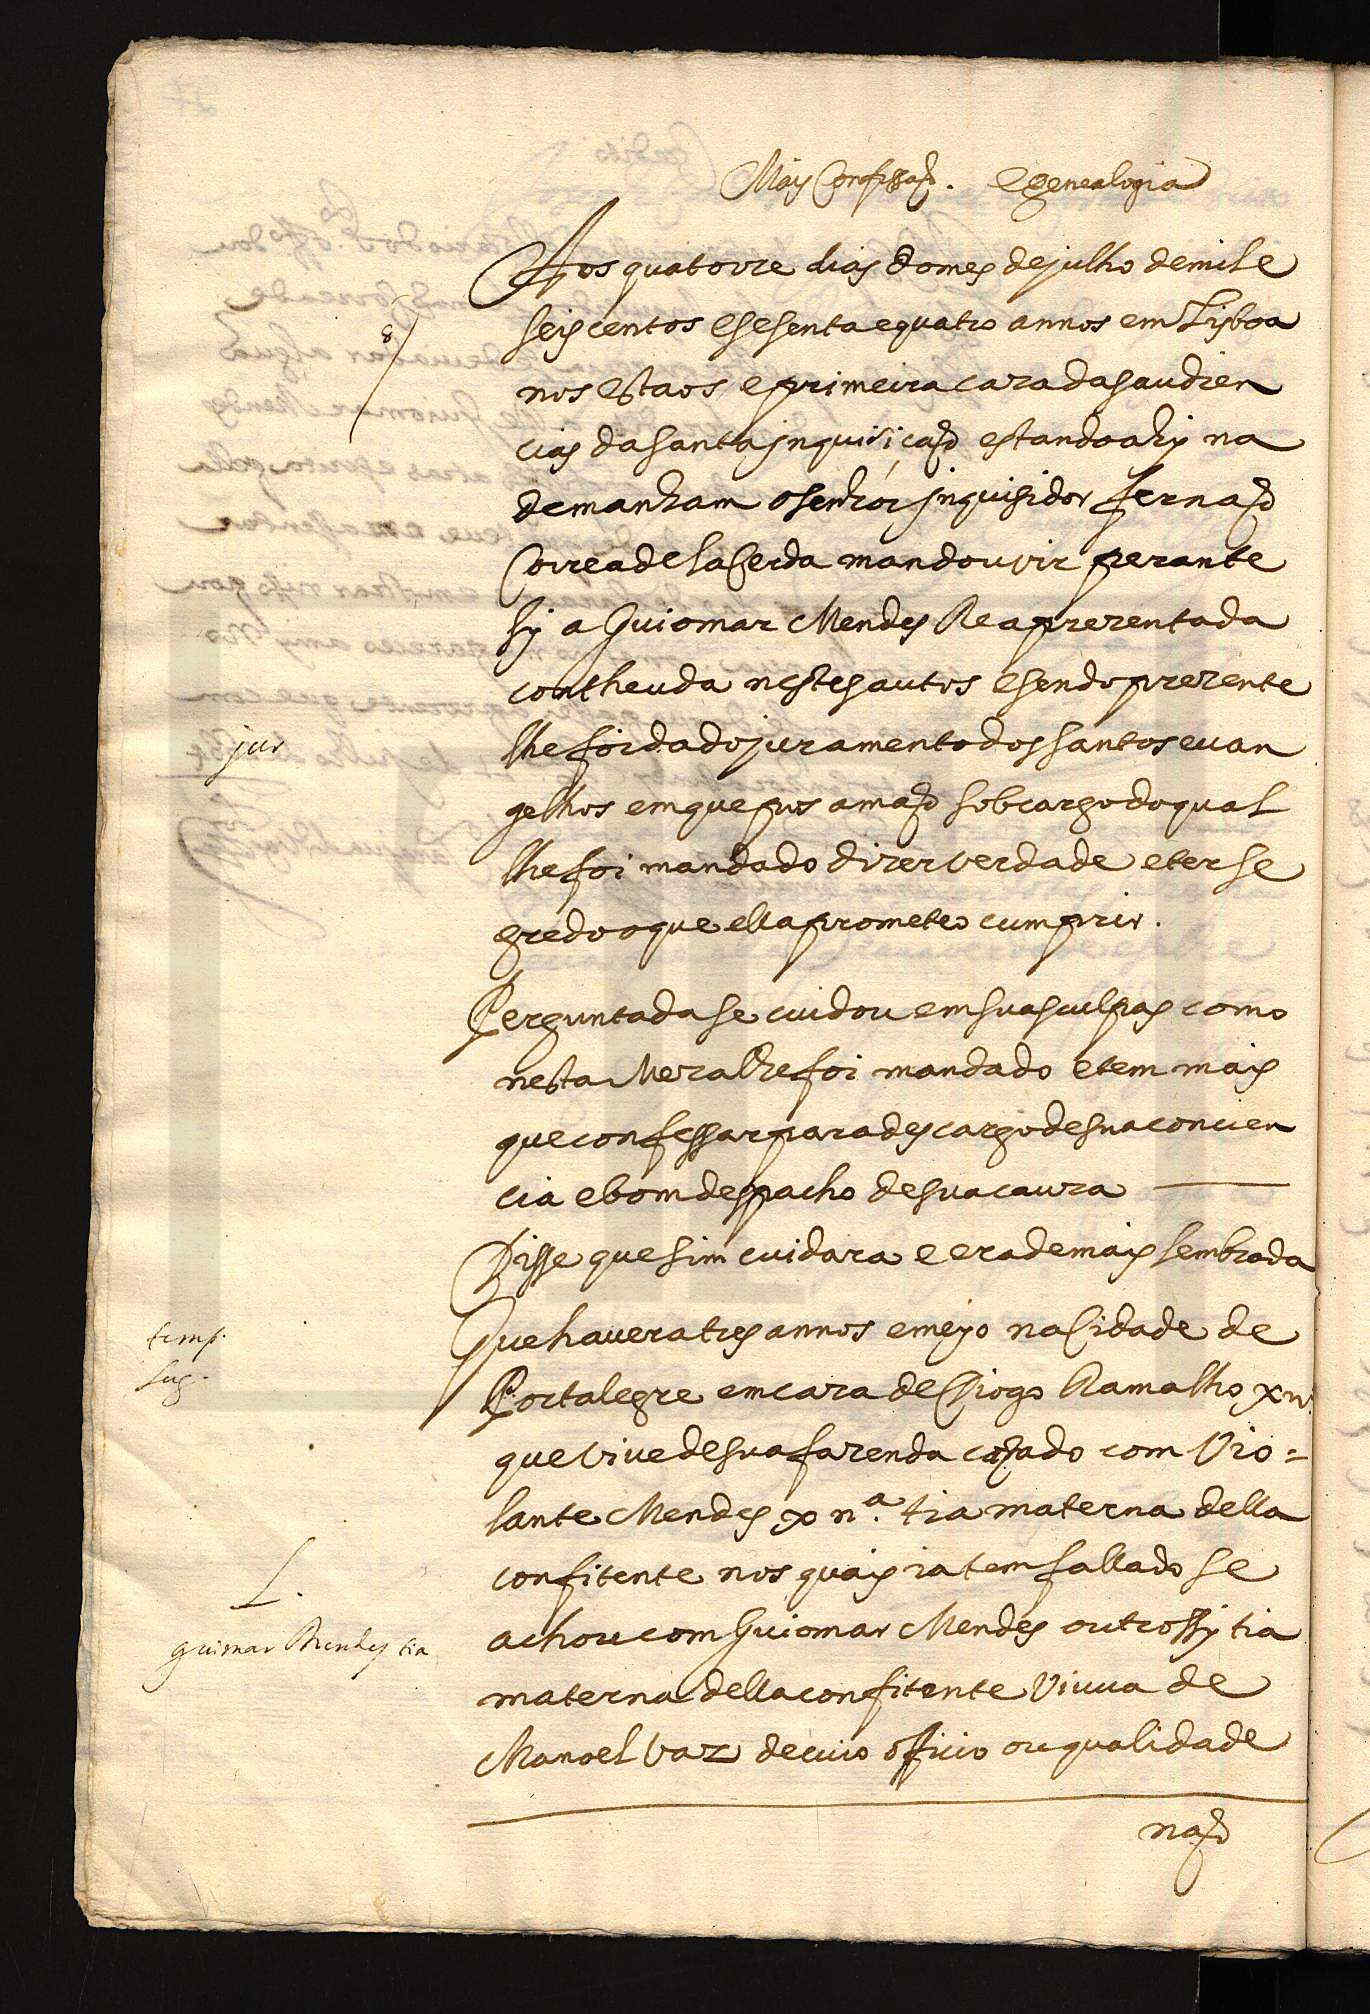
Mais Confissão. e genealogia
Aos quatorze dias do mes de julho de miL e
seiscentos e sesenta e quatro annos em Lisboa
nos estaos e primeira caza das audien
cias da santa jnquisiçaõ estando ahy na
de manham o senhor jnquisidor fernaõ
Correa de LaCerda mandou uir perante
sy a Guiomar Mendes Re aprezentada
contheuda nestes autos e sendo prezente
lhe foi dado juramento dos santos euan
gelhos em que pos a maõ sob cargo do quaL
lhe foi mandado dizer verdade e ter se
gredo o que ella prometeo cumprir.
Perguntada se cuidou em suas culpas como
nesta Meza lhe foi mandado e tem mais
que confessar para descargo de sua concien
cia e bom despacho de sua cauza
Disse que sim cuidara e era de mais lembrada
Que hauera tres annos e meyo na Cidade de
Portalegre em caza de Diogo Ramalho xn
que viue de sua fazenda cazado com Vio
lante Mendes xn.a tia materna della
confitente nos quais ia tem fallado se
achou com Guiomar Mendes outrossy tia
materna della confitente viuua de
Manoel Vaz de cuio officio ou qualidade
naõ
